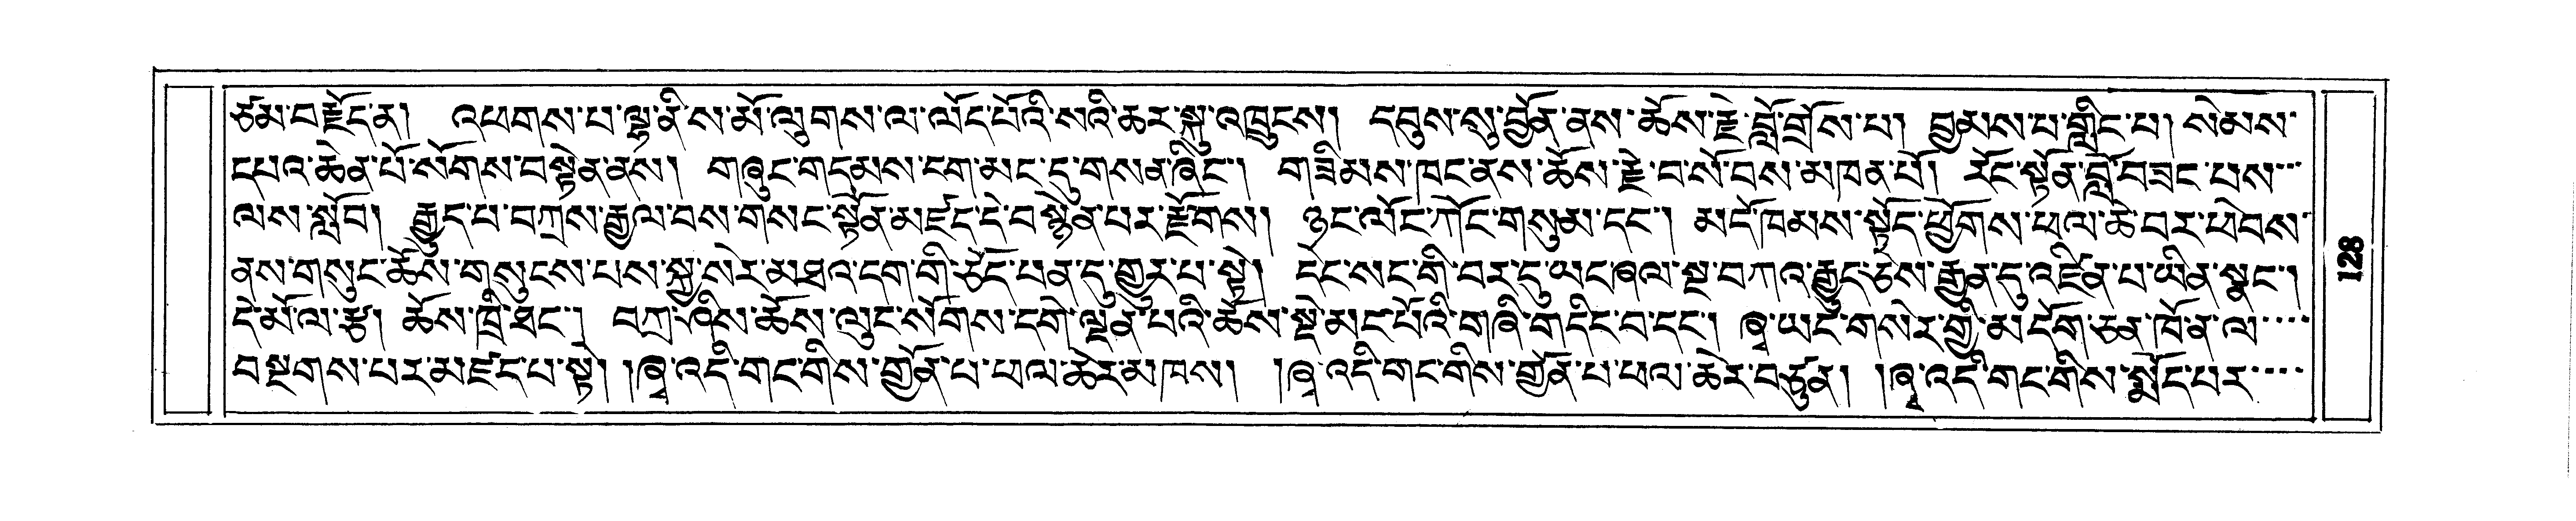ཙམ་བརྗོད་ན། འཕགས་པ་ལྷ་ནི་ས་མོ་ལུགས་ལ་ལོད་པའི་སའི་ཆར་སྐུ་འཁྲུངས། དབུས་སུ་བྱོན་ནས་ཆོས་རྗེ་བློ་གྲོས་པ། བྱམས་པ་གླིང་པ། སེམས་
དཔའ་ཆེན་པོ་སོགས་བསྟེན་ནས། གཞུང་གདམས་ངག་མང་དུ་གསན་ཞིང་། གཟིམས་ཁང་ནས་ཆོས་རྗེ་བ་སོ་བས་མཁན་པོ། རོང་སྟོན་བློ་བཟང་པས་
ལས་སློབ། རྒྱུད་པ་བཀྲས་རྒྱལ་བས་གསང་སྟོན་མཛད་དེ་བསྙེན་པར་རྫོགས། ཉང་ལོང་ཀོང་གསུམ་དང་། མདོ་ཁམས་སྟོད་ཕྱོགས་ཕལ་ཆེ་བར་ཕེབས་
ནས་གསུང་ཆོས་གསུངས་པས་སྐྱ་སེར་མཐའ་དག་གི་ཅོད་པན་དུ་གྱུར་པ་སྟེ། དེང་སང་གི་བར་དུ་ཡང་ཞལ་སྔ་བཀའ་རྒྱུད་ཅེས་རྒྱན་དུ་འཛིན་པ་ཡིན་སྣང་།
དེ་མོ་ལ་རྩ། ཆོས་ཁྲི་ཐང་། བཀྲ་ཤིས་ཆོས་ལུང་སོགས་དགེ་ལྡན་པའི་ཆོས་སྡེ་མང་པོའི་གཞི་གདིང་བ་དང་། ཞྭ་ཡང་གསེར་གྱི་མདོག་ཅན་ཁོ་ན་ལ་
བསྔགས་པར་མཛད་པ་སྟེ། །ཞྭ་འདི་གང་གིས་གྱོན་པ་ཕལ་ཆེར་མཁས། །ཞྭ་འདི་གང་གིས་གྱོན་པ་ཕལ་ཆེར་བཙུན། །ཞྭ་འདི་གང་གིས་སྨོད་པར་